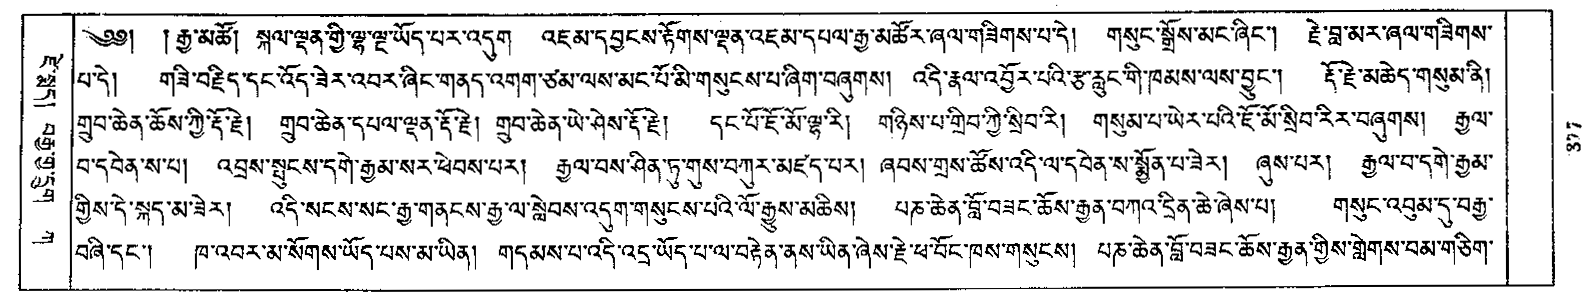༄༅། །རྒྱ་མཚོ། སྐལ་ལྡན་གྱི་ལྷ་ལྔ་ཡོད་པར་འདུག་འཇམ་དབྱངས་རྟོགས་ལྡན་འཇམ་དཔལ་རྒྱ་མཚོར་ཞལ་གཟིགས་པ་དེ། གསུང་སྒྲོས་མང་ཞིང་། རྗེ་བླ་མར་ཞལ་གཟིགས་
པ་དེ། གཟི་བརྗིད་དང་འོད་ཟེར་འབར་ཞིང་གནད་འགག་ཙམ་ལས་མང་པོ་མི་གསུང་པ་ཞིག་བཞུགས། འདི་རྣལ་འབྱོར་པའི་རྩ་རླུང་གི་ཁམས་ལས་བྱུང་། རྡོ་རྗེ་མཆེད་གསུམ་ནི།
གྲུབ་ཆེན་ཆོས་ཀྱི་རྡོ་རྗེ། གྲུབ་ཆེན་དཔལ་ལྡན་རྡོ་རྗེ། གྲུབ་ཆེན་ཡེ་ཤེས་རྡོ་རྗེ། དང་པོ་ཇོ་མོ་ལྷ་རི། གཉིས་པ་གྲིབ་ཀྱི་སྲིབ་རི། གསུམ་པ་ཡེར་པའི་ཇོ་མོ་སྲིབ་རིར་བཞུགས། རྒྱལ་
བ་དབེན་ས་པ། འབྲས་སྤུངས་དགེ་རྒྱམ་སར་ཕེབས་པར། རྒྱལ་བས་ཤིན་ཏུ་གུས་བཀུར་མཛད་པར། ཞབས་གྲས་ཚོས་འདི་ལ་དབེན་ས་སྨྱོན་པ་ཟེར། ཞུས་པར། རྒྱལ་བ་དགེ་རྒྱམ་
གྱིས་དེ་སྐད་མ་ཟེར། འདི་སངས་རྒྱས་རྒྱ་གནངས་རྒྱ་ལ་སླེབས་འདུག་གསུངས་པའི་ལོ་རྒྱུས་མཆིས། པཎ་ཆེན་བློ་བཟང་ཆོས་རྒྱན་བཀའ་དྲིན་ཆེ་ཞེས་པ། གསུང་འབུམ་དུ་བརྒྱ་
བཞི་དང་། ཁ་འབར་མ་སོགས་ཡོད་པས་མ་ཡིན། གདམས་པ་འདི་འདྲ་ཡོད་པ་ལ་བརྟེན་ནས་ཡིན་ཞེས་རྗེ་ཕ་བོང་ཁས་གསུངས། པཎ་ཆེན་བློ་བཟང་ཆོས་རྒྱན་གྱིས་གླེགས་བམ་གཅིག་